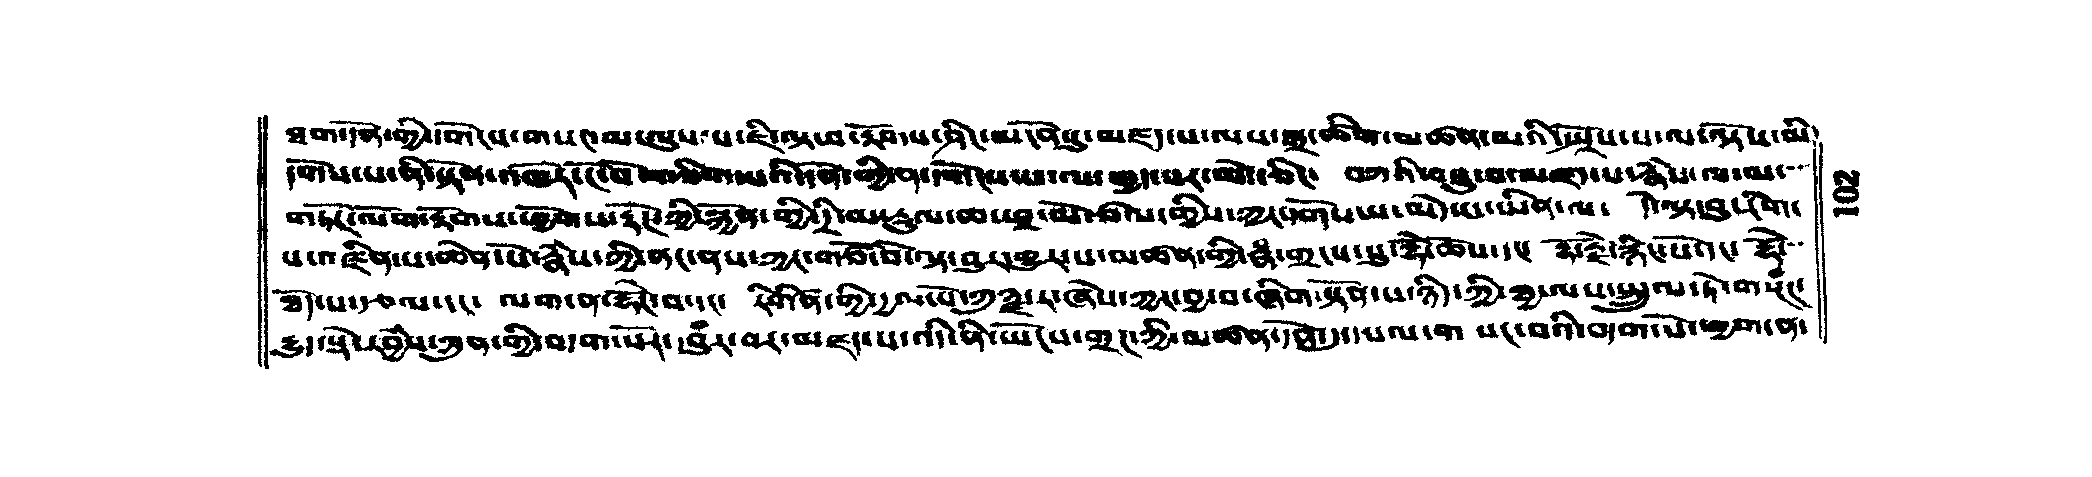ཐག་དོན་གྱི་དགོངས་གསང་མ་ལུས་པ་ཇི་ལྟ་བ་རྟོགས་ཤིང་མངོན་དུ་མཛད་པ་ལས་སྒྲ་ཚིག་མཚན་མའི་སྤྲོས་པ་ལ་ལྟོས་མི་
དགོས་པ་ནི་ཡོན་ཏན་འཁོར་ངོ་བི་གཅིག་པའི་དོན་གྱི་ན་དགོངས་པ་ལ་ཁྱད་པར་མེད་ཅིང་།བཀའི་བཐུ་བ་མཛད་པ་རྣམས་ལ་མ་
གཏོགས་ལོག་རྟོགས་ཕྱོགས་རྟོགས་ཀྱི་སྐྱོན་གྱི་དྲི་མ་རྡུལ་ཆ་ཕྲ་མོ་ཙམ་གྱིས་ཀྱང་དགོས་པ་མེད་པ་ཡིན་ལ། དེ་ལྟ་བུ་རིག་
པ་འཛིན་པ་ཆེན་པོ་རྣམས་ཀྱི་ནང་ནས་ཀྱང་གཙོ་བོ་ལྟ་བུར་གྱུར་པ་མཚན་གྱི་རྣམ་གྲངས་སུ་རྡོ་རྗེ་ཆོས་དང་། རོ་རྗེ་སྙིང་པོ་དང་། རྡོ་རྗེ་
ཐོད་པ་རྩལ་དང་། ལག་ན་རྡོ་རྗེ་འཆང་བ་དང་། རིག་འཛིན་གྱི་རྒུལ་པོ་ཀུཉྫ་ར་ཞེས་ཀྱང་བྱ་བ་ཞིག་སྟོན་པ་ཉིད་ཀྱི་ཐུགས་ལས་སྤྲུལ་ཏེ་གསང་སྔགས་
རྒྱུད་སྡེ་རབ་འབྱམས་ཀུན་གྱི་བདག་པོར་དབང་བསྐུར་བར་མཛད་པ་འདི་ནི་ཡོངས་གྲགས་ཀྱི་མཚན་དོན་དུ་དཔལ་གསང་བའི་བདག་པོ་ཕྱག་ན་